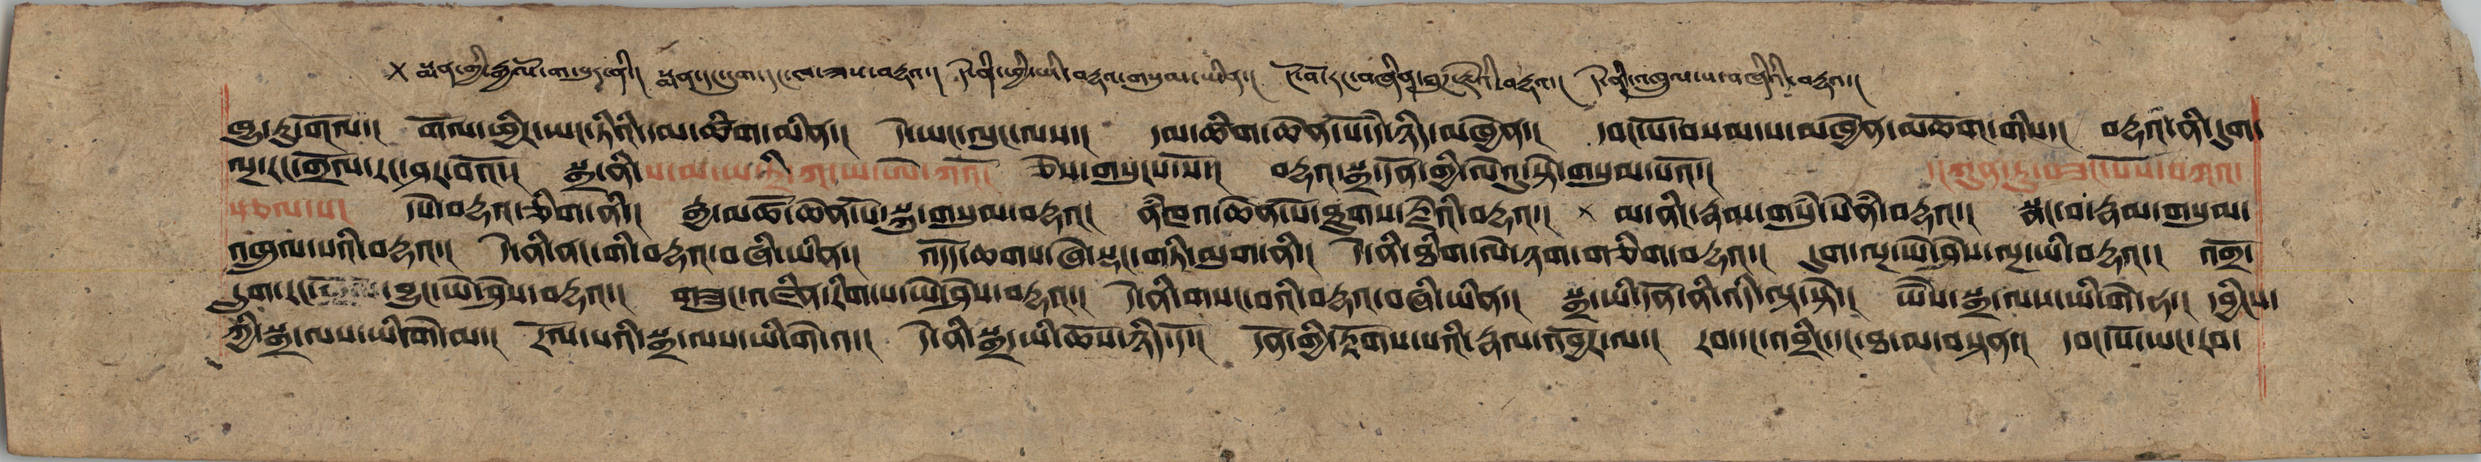སྨན་གྱི་རྒྱལོ་ག་བུར་ནི་། སྨན་དང་དུག་དང་ཁ་ཟས་བརྡའ་། དེ་ནི་ཕྱིས་ཡི་བརྡའ་གསུམ་ཡིན་། ངོ་བོ་རང་བཞིན་ཐུཌ་རྗེའི་བརྡའ་། དེ་ནི་འཁྲུལ་པ་བཞིའི་བརྡའ་།
ཁྱུ་རུ་གོལ་། གོལ་ཕྱིར་ཡང་ཏིའི་དམ་ཚིག་མིན་། དཻ་ཡང་ལུང་ལས་། དམ་ཚིག་ཆེན་པོ་དེ་ཉིད་མཁྱེན་། དབང་པོ་བསམ་པ་མཁྱྲེན་མཆོག་གིས་། བརྡའ་ནི་དུག་
ལྔ་རང་གྲོལ་རང་ཤར་བའོ་། སྒྲ་ནི་ས་མ་ཡ་ཏྲི་ཀ་ཨེ་ཀའོ། ཅེས་གསུངས་སོ་། བརྡའ་སྒྲ་དོན་གྱི་ལེའུ་སྟེ་གསུམ་པའོ་། ་།ཀུན་ཏུ་བཟང་པོས་བཀའ་
སྩལ་པ། དཔེ་བདྷའ་ཅིག་ནི་། རྒྱ་མཚོ་ཆེན་པོ་སྐུ་གསུམ་བརྡའ། ནཾཁའ་ཆེན་པོ་ཐུགས་རྗེའི་བརྡའ་། མ་ནིང་རྣམ་གསུཾ་སེཾན་བརྡའ་། སྣང་བ་རྣམ་གསུམ་
འཁྲུལ་པའི་བརྡའ་། དེ་ནི་ནང་གི་བདྷའ་བཞི་ཡིན་། འདོད་ཆགས་ཞེ་སྡང་གཏི་མུག་ནི་། དེ་ནི་ཐིག་ལེ་ཉག་གཅིག་བརྡའ་། དུག་ལྔ་ཡེ་ཤེས་ལྔ་ཡི་བརྡའ་། འགྲོ་
དྲུག་རང་ བྱུང་ཡེ་ཤེས་བརྡའ་། གཟུང་འཛིན་རིག་པ་ཡེ་ཤེས་བརྡའ་། དེ་ནི་གསང་བའི་བརྡའ་བཞི་ཡིན་། སྒྲ་ཡི་དོན་ནི་འདི་ལྟ་སྟེ་། ཡཻས་སྒྲ་ལས་ཡི་གེ་ན་། དབྱིངས་
ཀྱི་སྒྲ་ལས་ཡི་གེ་མ་། རོལ་པའི་སྒྲ་ལས་ཡི་གེ་༡་། དེ་ནི་སྒྲ་ཡི་ཆོས་ཉིད་དོ་། དོན་གྱི་རྟོགས་པའི་རྣལ་འབྱོར་ལ་། རབ་དང་འབྲིང་དང་ཐ་མ་བསྟན་། དབང་པོ་ཡང་རབ་